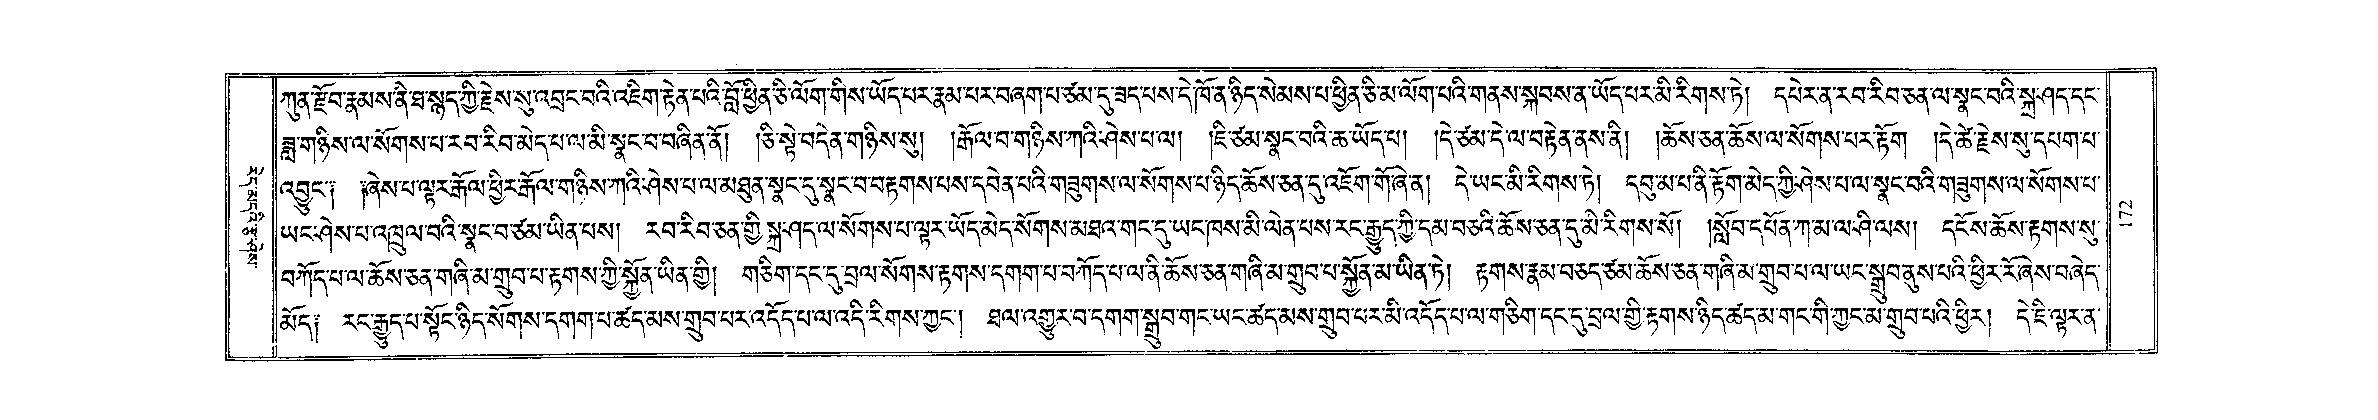ཀུན་རྫོབ་རྣམས་ནི་ཐ་སྙད་ཀྱི་རྗེས་སུ་འབྲང་བའི་འཇིག་རྟེན་པའི་བློ་ཕྱིན་ཅི་ལོག་གིས་ཡོད་པར་རྣམ་པར་བཞག་པ་ཙམ་དུ་ཟད་པས་དེ་ཁོ་ན་ཉིད་སེམས་པ་ཕྱིན་ཅི་མ་ལོག་པའི་གནས་སྐབས་ན་ཡོད་པར་མི་རིགས་ཏེ། དཔེར་ན་རབ་རིབ་ཅན་ལ་སྣང་བའི་སྐྲ་ཤད་དང་
ཟླ་གཉིས་ལ་སོགས་པ་རབ་རིབ་མེད་པ་ལ་མི་སྣང་བ་བཞིན་ནོ། །ཅི་སྟེ་བདེན་གཉིས་སུ། །རྒོལ་བ་གཉིས་ཀའི་ཤེས་པ་ལ། །ཇི་ཙམ་སྣང་བའི་ཆ་ཡོད་པ། །དེ་ཙམ་དེ་ལ་བརྟེན་ནས་ནི། །ཆོས་ཅན་ཆོས་ལ་སོགས་པར་རྟོག །དེ་ཚེ་རྗེས་སུ་དཔག་པ་
འབྱུང༑ ༑ཞེས་པ་ལྟར་རྒོལ་ཕྱིར་རྒོལ་གཉིས་ཀའི་ཤེས་པ་ལ་མཐུན་སྣང་དུ་སྣང་བ་བརྟགས་པས་དབེན་པའི་གཟུགས་ལ་སོགས་པ་ཉིད་ཆོས་ཅན་དུ་འཇོག་གོ་ཞེ་ན། དེ་ཡང་མི་རིགས་ཏེ། དབུ་མ་པ་ནི་རྟོག་མེད་ཀྱི་ཤེས་པ་ལ་སྣང་བའི་གཟུགས་ལ་སོགས་པ་
ཡང་ཤེས་པ་འཁྲུལ་བའི་སྣང་བ་ཙམ་ཡིན་པས། རབ་རིབ་ཅན་གྱི་སྐྲ་ཤད་ལ་སོགས་པ་ལྟར་ཡོད་མེད་སོགས་མཐའ་གང་དུ་ཡང་ཁས་མི་ལེན་པས་རང་རྒྱུད་ཀྱི་དམ་བཅའི་ཆོས་ཅན་དུ་མི་རིགས་སོ། །སློབ་དཔོན་ཀ་མ་ལ་ཤི་ལས། དངོས་ཆོས་རྟགས་སུ་
བཀོད་པ་ལ་ཆོས་ཅན་གཞི་མ་གྲུབ་པ་རྟགས་ཀྱི་སྐྱོན་ཡིན་གྱི། གཅིག་དང་དུ་བྲལ་སོགས་རྟགས་དགག་པ་བཀོད་པ་ལ་ནི་ཆོས་ཅན་གཞི་མ་ཨགྲུབ་སྐྱོན་མ་ཡིན་ཏེ། རྟགས་རྣམ་བཅད་ཙམ་ཆོས་ཅན་གཞི་མ་གྲུབ་པ་ལ་ཡང་སྒྲུབ་ནུས་པའི་ཕྱིར་རོ་ཞེས་བཞེད་
མོད༑ རང་རྒྱུད་པ་སྟོང་ཉིད་སོགས་དགག་པ་ཚད་མས་གྲུབ་པར་འདོད་པ་ལ་འདི་རིགས་ཀྱང་། ཐལ་འགྱུར་བ་དགག་སྒྲུབ་གང་ཡང་ཚད་མས་གྲུབ་པར་མི་འདོད་པ་ལ་གཅིག་དང་དུ་བྲལ་གྱི་རྟགས་ཉིད་ཚད་མ་གང་གི་ཀྱང་མ་གྲུབ་པའི་ཕྱིར། དེ་ཇི་ལྟར་ན་